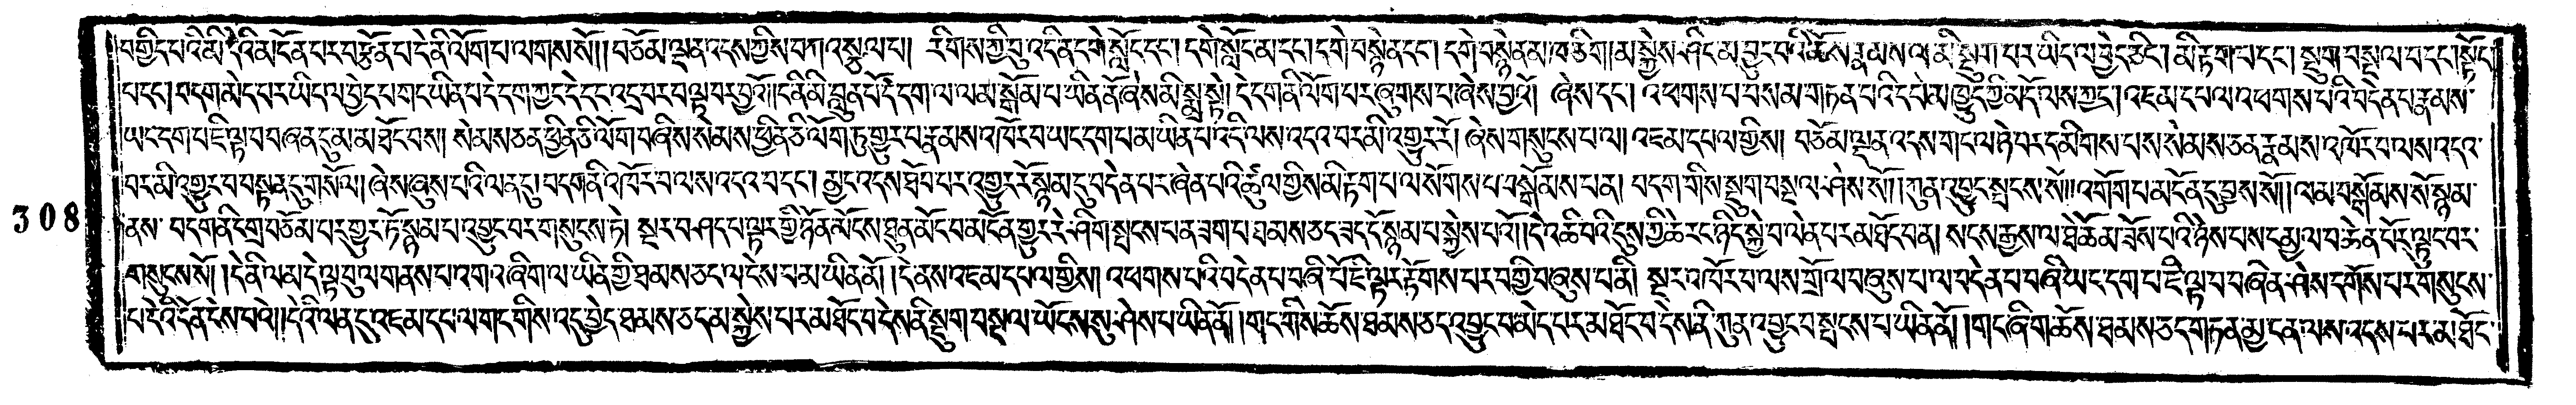བགྱིད་པའི་མི་དེའི་མངོན་པར་བརྩོན་པ་དེ་ནི་ལོག་པ་ལགས་སོ། །བཅོམ་ལྡན་འདས་ཀྱིས་བཀའ་སྩལ་པ། རིགས་ཀྱི་བུ་འདི་ན་དགེ་སློང་དང་། དགེ་སློང་མ་དང་། དགེ་བསྙེན་དང་། དགེ་བསྙེན་མ་ཁ་ཅིག །མ་སྐྱེས་ཤིང་མ་བྱུང་བའི་ཆོས་རྣམས་ལ་མི་སྡུག་པར་ཡིད་ལ་བྱེད་ཅིང་། མི་རྟག་པ་དང་། སྡུག་བསྔལ་བ་དང་། སྟོང་
པ་དང་། བདག་མེད་པར་ཡིད་ལ་བྱེད་པ་གང་ཡིན་པ་དེ་དག་ཀྱང་དེ་དང་འདྲ་བར་བལྟ་བར་བྱའོ། །ང་ནི་མི་བླུན་པོ་དེ་དག་ལ་ལམ་སྒོམ་པ་ཡིན་ནོ་ཞེས་མི་སྨྲ་སྟེ། དེ་དག་ནི་ལོག་པར་ཞུགས་པ་ཞེས་བྱའོ། ཞེས་དང་། འཕགས་པ་བསམ་གཏན་པའི་དཔེ་མ་ཁྱུད་ཀྱི་མདོ་ལས་ཀྱང་། འཇམ་དཔལ་འཕགས་པའི་བདེན་པ་རྣམས་
ཡང་དག་པ་ཇི་ལྟ་བ་བཞན་དུ་མ་མཐོང་བས། སེམས་ཅན་ཕྱིན་ཅི་ལོག་བཞིས་སེམས་ཕྱིན་ཅི་ལོག་ཏུ་གྱུར་པ་རྣམས་འཁོར་བ་ཡང་དག་པ་མ་ཡིན་པ་འདི་ལས་འདའ་བར་མི་འགྱུར་རོ། ཞེས་གསུངས་པ་ལ། འཇམ་དཔལ་གྱིས། བཅོམ་ལྡན་འདས་གང་ལ་ཉེ་བར་དམིགས་པས་སེམས་ཅན་རྣམས་འཁོར་བ་ལས་འདའ་
བར་མི་འགྱུར་བ་བསྟན་དུ་གསོལ། ཞེས་ཞུས་པའི་ལན་དུ། བདག་ནི་འཁོར་བ་ལས་འདའ་བ་དང་། མྱང་འདས་ཐོབ་པར་འགྱུར་རོ་སྙམ་དུ་བདེན་པར་ཞེན་པའི་ཚུལ་གྱིས་མི་རྟག་པ་ལ་སོགས་པ་བསྒོམས་པ་ན། བདག་གིས་སྡུག་བསྔལ་ཤེས་སོ། །ཀུན་འབྱུང་སྤངས་སོ། །འགོག་པ་མངོན་དུ་བྱས་སོ། །ལམ་བསྒོམས་སོ་སྙམ་
ནས་བདག་ནི་དགྲ་བཅོམ་པར་གྱུར་ཏོ་སྙམ་པ་འབྱུང་བར་གསུངས་ཏེ། སྔར་བཤད་པ་ལྟར་གྱི་ཉོན་མོངས་ཐུན་མོང་བ་མངོན་གྱུར་རེ་ཤིག་སྤངས་པ་ཟག་པ་ཐམས་ཅད་ཟད་དོ་སྙམ་པ་སྐྱེས་པའོ། །དེ་འཆི་བའི་དུས་ཀྱི་ཆེ་རང་ཉིད་སྐྱེ་བ་ལེན་པར་མཐོང་བ་ན། སངས་རྒྱས་ལ་ཐེ་ཆོམ་ཟོས་པའི་ཉེས་པས་དམྱལ་བ་ཆེན་པོར་ལྟུང་བར་
གསུངས་སོ། །དེ་ནི་ལམ་དེ་ལྟ་བུ་ལ་གནས་པ་འགའ་ཞིག་ལ་ཡིན་གྱི་ཐམས་ཅད་ལ་ངེས་པ་མ་ཡིན་ནོ། །དེ་ནས་འཇམ་དཔལ་གྱིས། འཕགས་པའི་བདེན་པ་བཞི་པོ་ཇི་ལྟར་རྟོགས་པར་བགྱི་བ་ཞུས་པ་ནི། སྔར་འཁོར་བ་ལས་གྲོལ་བ་ཞུས་པ་ལ་བདེན་པ་བཞི་ཡང་དག་པ་ཇི་ལྟ་བ་བཞིན་ཤེས་དགོས་པར་གསུངས་
པ་དེའི་དེན་ངེས་པའོ། །དེའི་ལན་དུ་འཇམ་དཔལ་གང་གིས་འདུ་བྱེད་ཐམས་ཅད་མ་སྐྱེས་པར་མཐོང་བ་དེས་ནི་སྡུག་བསྔལ་ཡོངས་སུ་ཤེས་པ་ཡིན་ནོ། །གང་གིས་ཆོས་ཐམས་ཅད་འབྱུང་བ་མེད་པར་མཐོང་བ་དེས་ནི་ཀུན་འབྱུང་བ་སྤངས་པ་ཡིན་ནོ། །གང་ཞིག་ཆོས་ཐམས་ཅད་གཏན་མྱ་ངན་ལས་འདས་པར་མཐོང་